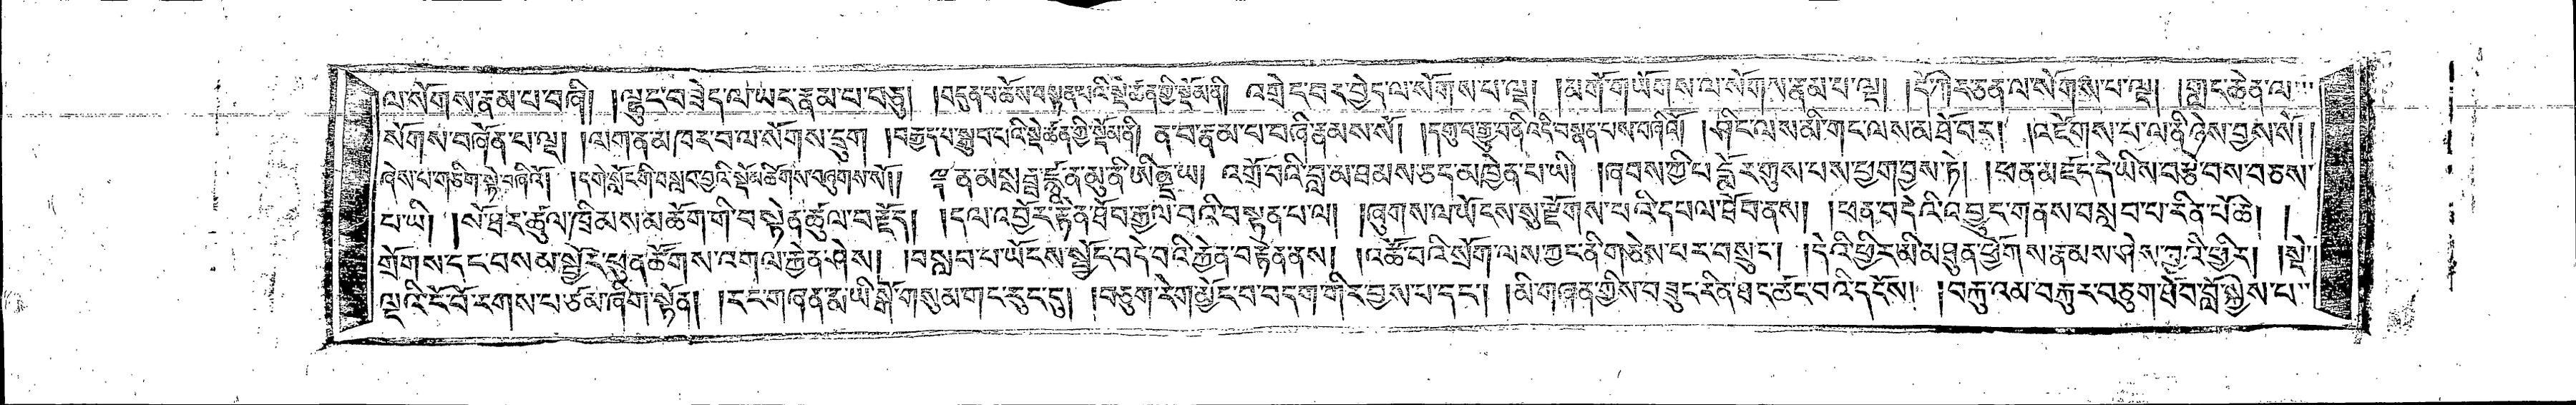ལ་སོགས་རྣམ་པ་བཞི། །ལྷུང་བཟེད་ལ་ཡང་རྣམ་པ་བཅུ། །བདུན་པ་ཆོས་བསྟན་པའི་སྡེ་ཚན་གྱི་སྡོམ་ནི། འགྲེང་བར་བྱེད་ལ་སོགས་པ་ལྔ། །མགོ་གཡོགས་ལ་སོགས་རྣམ་པ་ལྔ། །དོ་ཀེར་ཅན་ལ་སོགས་པ་ལྔ། །གླང་ཆེན་ལ་
སོགས་བཞོན་པ་ལྔ། །ལག་ན་མཁར་བ་ལ་སོགས་དྲུག །བརྒྱད་པ་སྒྲུབ་པའི་སྡེ་ཚན་གྱི་སྡོམ་ནི། ན་བ་རྣམ་པ་བཞི་རྣམས་སོ། །དགུ་བ་རྒྱུ་བ་ནི་འདི་བསྣན་པས་བཞིའོ། །ཤིང་ལས་མི་གང་ལས་མཐོ་བར། །འཇོགས་པ་ལ་ནི་ཉེས་བྱས་སོ། །
ཞེས་པ་གཅིག་སྟེ་བཞིའོ། །དགེ་སློང་གི་བསླབ་བྱའི་སྡོམ་ཚིགས་བཞུགས་སོ།། ༈ ན་མསྶ་རྦྦ་ཛྙཱ་ན་མུ་ནི་ཨིནྡྲ་ཡ། འགྲོ་བའི་བླ་མ་ཐམས་ཅད་མཁྱེན་པ་ཡི། །ཞབས་ཀྱི་པདམོར་གུས་པས་ཕྱག་བྱས་ཏེ། །ཕན་མཛད་དེ་ཡིས་བརྩེ་བས་བཅས་
པ་ཡི། །སོ་ཐར་ཚུལ་ཁྲིམས་མཆོག་གི་བསྟེན་ཚུལ་བརྗོད། །དལ་འབྱོར་རྟེན་ཐོབ་རྒྱལ་བའི་བསྟན་པ་ལ། །ཞུགས་ལ་ཡོངས་སུ་རྫོགས་པའི་དཔལ་ཐོབ་ནས། །ཕན་བདེའི་འབྱུང་གནས་བསླབ་པ་རིན་པོ་ཆེ། །
གྲོགས་དང་བསམ་སྦྱོར་ཕུན་ཚོགས་འགལ་རྐྱེན་ཤེས། །བསླབ་པ་ཡོངས་སྦྱོང་བདེ་བའི་རྐྱེན་བརྟེན་ནས། །འཚོ་བའི་སྲོག་ལས་ཀྱང་ནི་གཅེས་པར་བསྲུང་། །དེའི་ཕྱིར་མི་མཐུན་ཕྱོགས་རྣམས་ཤེས་བྱའི་ཕྱིར། །སྡེ་
ལྔའི་ངོ་བོ་རགས་པ་ཙམ་ཞིག་སྟོན། །རང་གཞན་རྨ་ཡི་སྒོ་གསུམ་གང་རུང་ངུ། །བཅུག་རེག་མྱོང་བ་བདག་གིར་བྱས་པ་དང་། །མི་གཞན་གྱིས་བཟུང་རིན་ཐང་ཚང་བའི་དངོས། །བརྐུ་འམ་བརྐུར་བཅུག་ཐོབ་བློ་སྐྱེས་པ་